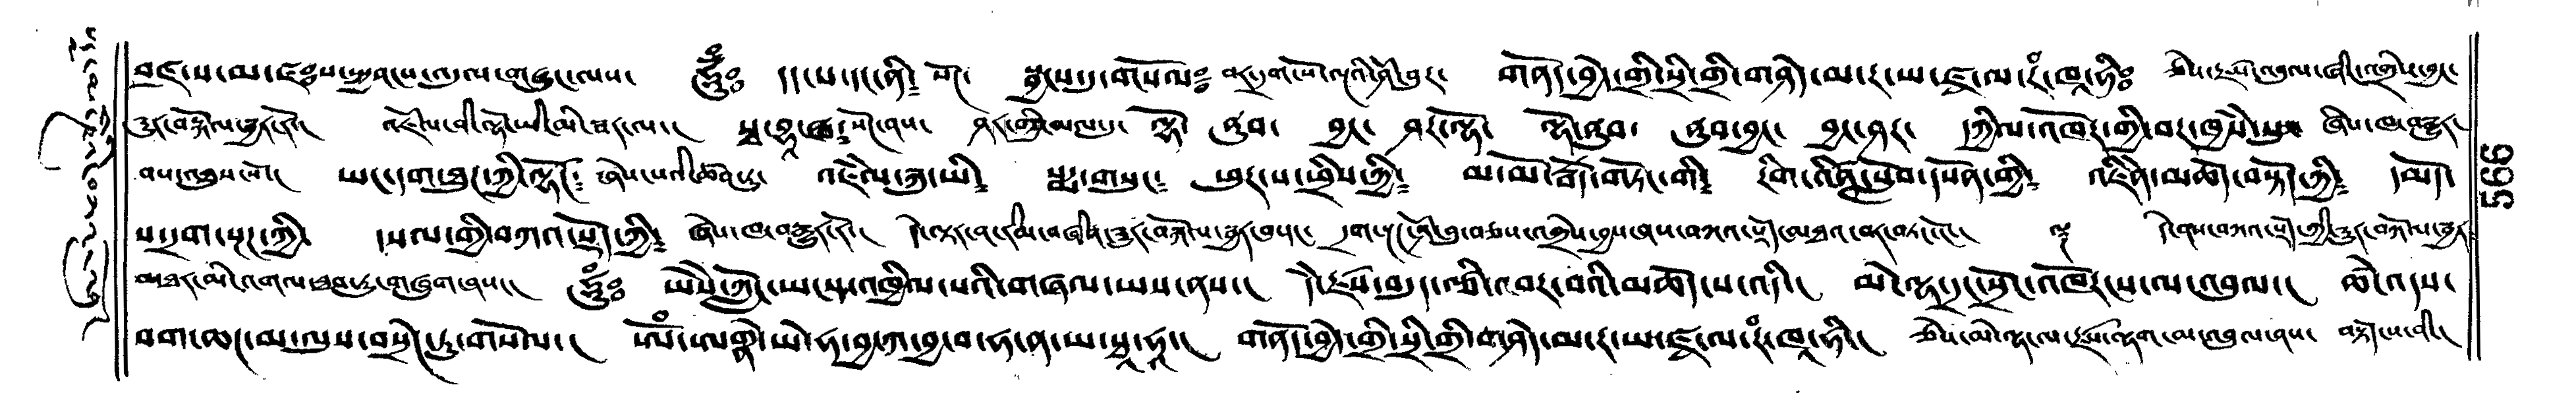བཛྲ་ས་མ་ཛཿ ས་སྤྱན་དྲངས་འདུལ་གཞུང་ལས། ཧཱུྃཿ དད་པ་དང་ནི་སོགས། སྦྱངས་དུ་གསོལ༔ བར་དྲག་སྔགས་སོ་ལྔའི་ཤམས་བུར ། གནོད་བྱེད་གྲི་སྲི་གྲི་གཤེད་མ་ར་ཡ་ཛྭ་ལ་རཾ་ཁཱ་ཧིཿ ཅེས་རྫས་འབུལ་ཞིངའགྲེས་བྱང་
ཟུར་བསྐོལ་སྦྱར་རོ། འཇམ་དཔལ་ནི་ལྷོ་ཡི་མེ་སྦར་ལ། སྭ་བྷཱ་ཝ༴ སོགས་ནས་ཤར་གྱི་མལ་དུ། ལྷོ། ནུབ། བྱང་། ཤར་ལྷོ། ལྷོ་ནུབ། ནུབ་བྱང་། བྱང་ཤར། དཀྱིལ་འཁོར་གྱི་བར་ཁྱམས་སུ། ཞེས་ཁ་བསྒྱུར་
བས་འཐུས་སོ། ཡང་དག་ཐུགས་ཀྱི་ལྷ་ཚོགས༴ ཞེས་པའི་ཚབ་ཏུ ། འཇམ་དཔལ་སྐུ་ཡི། པདྨ་གསུང་། ཕུར་པ་ཕྲིན་ལས་ཀྱི། མ་མོ་རྦོད་གཏོང་གི རིག་འཛིན་སློབ་དཔོན་གྱི། འཇིག་རྟེན་ཆོས་བསྟོད་ཀྱི། དམོད་
པ་དྲག་སྔགས་ཀྱི། དཔལ་གྱི་བཀའ་སྡོད་ཀྱི། ཞེས་ཁ་བསྒྱུར་རོ། དེ་ལྟར་ན་རིམ་བཞིན་ཟུར་བསྐོལ་སྦྱར་བ་དང་། དྲག་སྔགས་ཤམས་བུ་བཅས་འགྲེས་བྱས་ནས་བཀའ་སྡོད་མཐའ་བར་བཏང་ངོ་། དེ་ནས་བཀའ་སྡོད་ཀྱི་ཟུར་བསྐོལ་སྦྱར་
མཐར་མེ་འགལ་ཐབ་ཏུ་གཞུག་ནས། ཧཱུྃ༔ ཡེ་ཤེས་ཀློང་ཡངས་འཁྱིལ་པའི་གཞལ་ཡས་ནས༔ དམ་རྫས་བདུད་རྩི་འབར་བའི་མཆོད་པ་འདི༔ མེ་ལྷ་དྲང་སྲོང་འཁོར་དང་བཅས་ལ་འབུལ༔ ཚེ་འདས་
བག་ཆགས་མ་ལུས་བསྲེག་ཏུ་གསོལ༔ ཨོཾ་ཨགྣེ་ཡེ་ཧ་བྱ་ཀ་བྱ་བ་ཧ་ན་ཡ་སྭ་ཧཱ༔ གནོད་བྱེད་གྲི་སྲི་གྲི་གཤེད་མ་ར་ཡ་ཛྭ་ལ་རཾ་ཁཱ་ཧི། ཅེས་མེ་ལྷ་ལ་རྫས་ལྷག་མ་འབུལ་ནས། བསྟོད་པ་ནི།